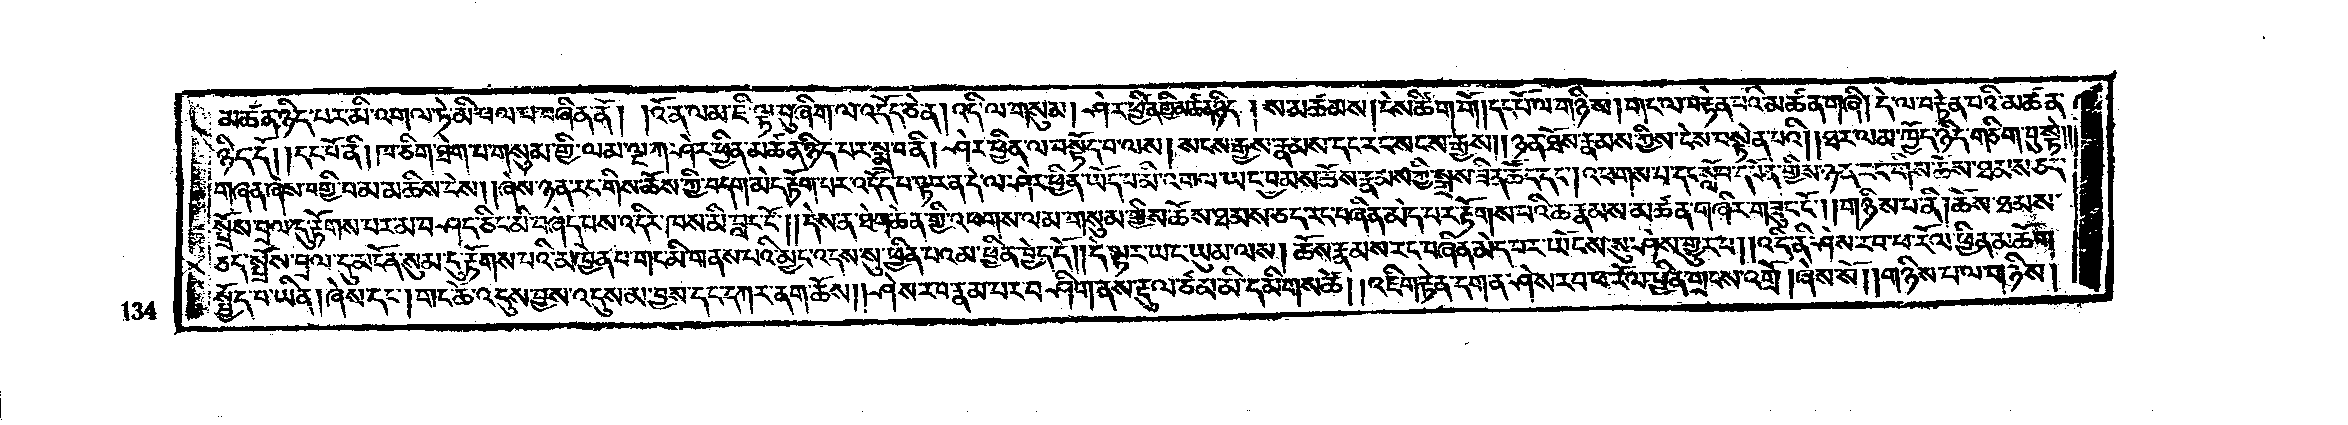མཚན་ཉིད་པར་མི་འགལ་ཏེ་མི་ཕལ་པ་བཞིན་ནོ། །འོ་ན་ལམ་ཇི་ལྟ་བུ་ཞིག་ལ་འདོད་ཅེ་ན། འདི་ལ་གསུམ། ཤེར་ཕྱིན་གྱི་མཚན་ཉིད། ས་མཚམས། ངེས་ཚིག་གོ །དང་པོ་ལ་གཉིས། གང་ལ་བརྟེན་པའི་མཚན་གཞི། དེ་ལ་བརྟེན་པའི་མཚན་
ཉིད་དོ། །དང་པོ་ནི། ཁ་ཅིག་ཐེག་པ་གསུམ་གྱི་ལམ་ལྔ་ཀ་ཤེར་ཕྱིན་མཚན་ཉིད་པར་སྨྲ་བ་ནི། ཤེར་ཕྱིན་ལ་བསྟོད་པ་ལས། སངས་རྒྱས་རྣམས་དང་རང་སངས་རྒྱས། །ཉན་ཐོས་རྣམས་ཀྱིས་ངེས་བསྟེན་པའི། །ཐར་ལམ་ཁྱོད་ཉིད་གཅིག་བུ་སྟེ། །
གཞན་ཞེས་བགྱི་བ་མ་མཆིས་ངེས། །ཞེས་ཉན་རང་གིས་ཆོས་ཀྱི་བདག་མེད་རྟོག་པར་འདོད་པ་ལྟར་ན་དེ་ལ་ཤེར་ཕྱིན་ཡོད་པ་མི་འགལ་ཡང་བྱམས་ཆོས་རྣམས་ཀྱི་སྒྲས་ཟིན་ཚོད་དང་། འཕགས་པ་དང་སློབ་དཔོན་གྱིས་ཉན་རང་གིས་ཆོས་ཐམས་ཅད་
སྤྲོས་བྲལ་དུ་རྟོགས་པར་མ་བཤད་ཅིང་མི་བཞེད་པས་འདིར་ཁས་མི་བླང་ངོ། །དེས་ན་ཐེག་ཆེན་གྱི་འཕགས་ལམ་གསུམ་གྱིས་ཆོས་ཐམས་ཅད་རང་བཞིན་མེད་པར་རྟོགས་པའི་ཆ་རྣམས་མཚན་གཞིར་གཟུང་ངོ། །གཉིས་པ་ནི། ཆོས་ཐམས་
ཅད་སྤྲོས་བྲལ་དུ་མངོན་སུམ་དུ་རྟོགས་པའི་མཁྱེན་པ་གང་མི་གནས་པའི་མྱང་འདས་སུ་ཕྱིན་པའམ་ཕྱིན་བྱེད་དོ། །དེ་ལྟར་ཡང་ཡུམ་ལས། ཆོས་རྣམས་རང་བཞིན་མེད་པར་ཡོངས་སུ་ཤེས་གྱུར་པ། །འདི་ནི་ཤེས་རབ་ཕ་རོལ་ཕྱིན་མཆོག་
སྤྱོད་པ་ཡིན། ཞེས་དང་། གང་ཚེ་འདུས་བྱས་འདུས་མ་བྱས་དང་དཀར་ནག་ཆོས། །ཤེས་རབ་རྣམ་པར་བཤིག་ནས་རྡུལ་ཙམ་མི་དམིགས་ཚེ། །འཇིག་རྟེན་དག་ན་ཤེས་རབ་ཕ་རོལ་ཕྱིན་གྲངས་འགྲོ་།ཞེས་སོ། །གཉིས་པ་ལ་གཉིས།